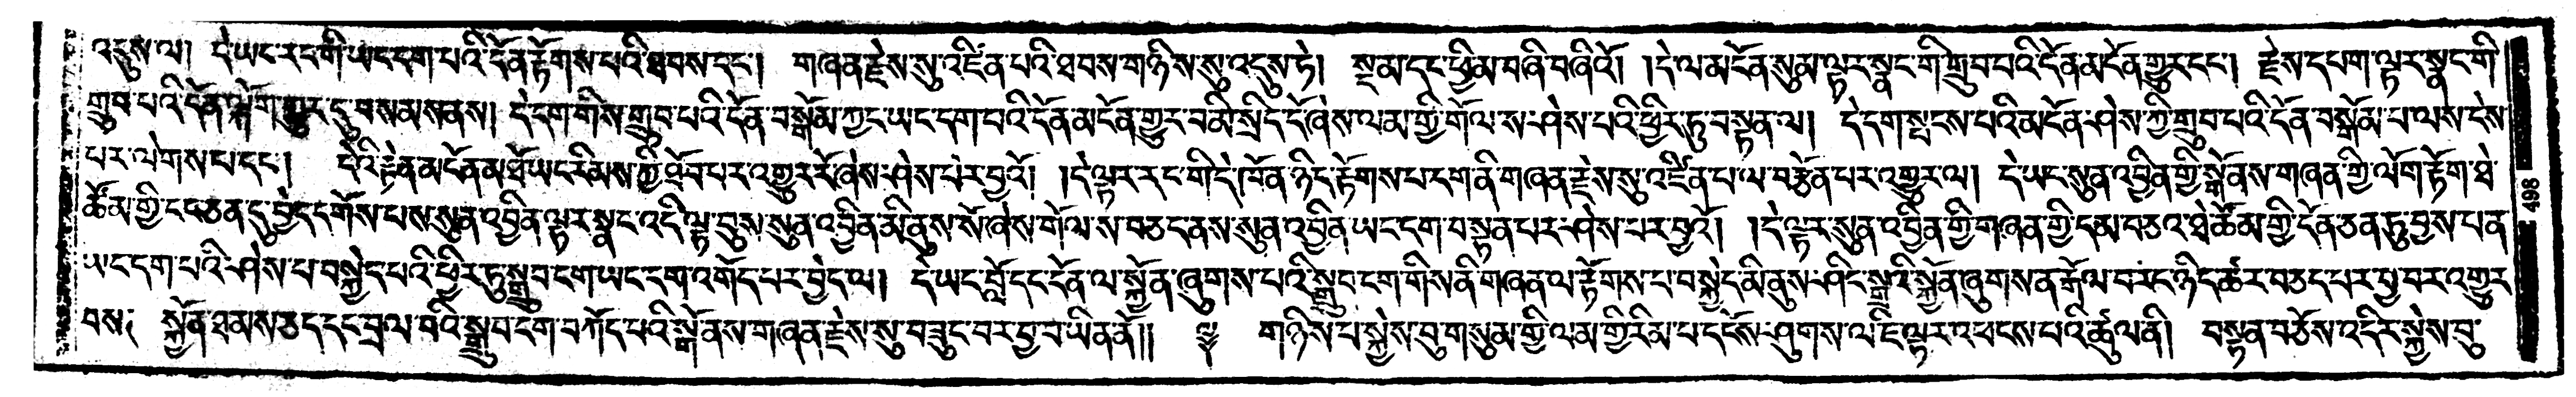འདུས་ལ། དེ་ཡང་རང་གི་ཡང་དག་པའི་དོན་རྟོགས་པའི་ཐབས་དང་། གཞན་རྗེས་སུ་འཛིན་པའི་ཐབས་གཉིས་སུ་འདུས་ཏེ། སྔ་མ་དང་ཕྱི་མ་བཞི་བཞིའོ། །དེ་ལ་མངོན་སུམ་ལྟར་སྣང་གི་གྲུབ་པའི་དོན་མངོན་གྱུར་དང་། རྗེས་དཔག་ལྟར་སྣང་གི་
གྲུབ་པའི་དོན་ལྐོག་གྱུར་དུ་བསམས་ནས། དེ་དག་གིས་གྲུབ་པའི་དོན་བསྒོམ་ཀྱང་ཡང་དག་པའི་དོན་མངོན་གྱུར་བ་མི་སྲིད་དོ་ཞེས་ལམ་གྱི་གོལ་ས་ཤེས་པའི་ཕྱིར་ཏུ་བསྟན་ལ། དེ་དག་སྤངས་པའི་མངོན་ཤེས་ཀྱི་གྲུབ་པའི་དོན་བསྒོམ་པ་ལས་ངེས་
པར་ལེགས་པ་དང་། དེའི་རྟེན་མངོན་མཐོ་ཡང་རིམས་ཀྱི་ཐོབ་པར་འགྱུར་རོ་ཞེས་ཤེས་པར་བྱའོ། །དེ་ལྟར་རང་གི་དེ་ཁོ་ན་ཉིད་རྟོགས་པ་དག་ནི་གཞན་རྗེས་སུ་འཛིན་པ་ལ་བརྩོན་པར་འགྱུར་ལ། དེ་ཡང་སུན་འབྱིན་གྱི་སྒོ་ནས་གཞན་གྱི་ལོག་རྟོག་ཐེ་
ཚོམ་གྱི་ངང་ཅན་དུ་བྱེད་དགོས་པས་སུན་འབྱིན་ལྟར་སྣང་འདི་ལྟ་བུས་སུན་འབྱིན་མི་ནུས་སོ་ཞེས་གོལ་ས་བཅད་ནས་སུན་འབྱིན་ཡང་དག་བསྟན་པར་ཤེས་པར་བྱའོ། །དེ་ལྟར་སུན་འབྱིན་གྱི་གཞན་གྱི་དམ་བཅའ་ཐེ་ཚོམ་གྱི་དོན་ཅན་ཏུ་བྱས་པ་ན་
ཡང་དག་པའི་ཤེས་པ་བསྐྱེད་པའི་ཕྱིར་ཏུ་སྒྲུབ་ངག་ཡང་དག་འགོད་པར་བྱེད་ལ། དེ་ཡང་བློ་དང་དོན་ལ་སྐྱོན་ཞུགས་པའི་སྒྲུབ་ངག་གིས་ནི་གཞན་ལ་རྟོགས་པ་བསྐྱེད་མི་ནུས་ཤིང་སྒྲའི་སྐྱོན་ཞུགས་ན་རྒོལ་བ་རང་ཉིད་ཚར་བཅད་པར་བྱ་བར་འགྱུར་
བས། སྐྱོན་ཐམས་ཅད་དང་བྲལ་བའི་སྒྲུབ་ངག་བཀོད་པའི་སྒོ་ནས་གཞན་རྗེས་སུ་བཟུང་བར་བྱ་བ་ཡིན་ནོ།། ༈ གཉིས་པ་སྐྱེས་བུ་གསུམ་གྱི་ལམ་གྱི་རིམ་པ་དངོས་ཤུགས་ལ་ཇི་ལྟར་འཕངས་པའི་ཚུལ་ནི། བསྟན་བཅོས་འདིར་སྐྱེས་བུ་